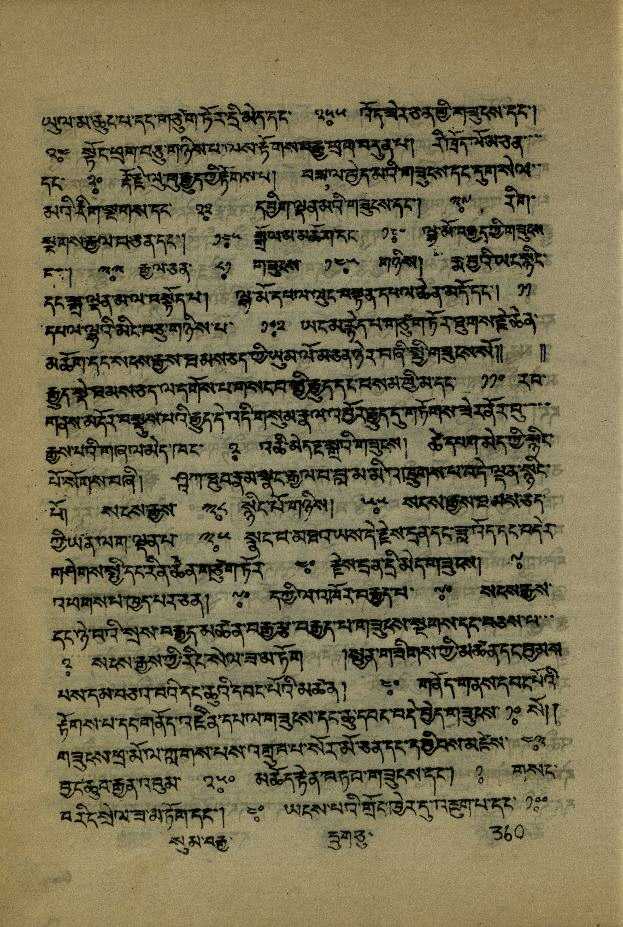ཡུལ་མ་ཆུང་པ་དང་གཙུག་ཏོར་དྲི་མེད་དང ༢༥༥་འོད་ཟེར་ཅན་གྱི་གཟུངས་དང་།
༢༤་སྟོང་ཕྲག་བཅུ་གཉིས་པ་ལས་རྟོགས་བརྒྱ་ཕྲག་བདུན་པ། རི་ཁྲོད་ལོ་མ་ཅན་
དང ༢༠་རྡོ་རྗེ་ལུ་གུ་རྒྱུད་ཀྱི་རྟོགས་པ། བསྐུ་ལ་བྱེད་མའི་གཟུངས་དང་དུག་སེལ་
མའི་རིག་སྔགས་དང ༢༢་དབྱིག་ལྡན་མའི་གཟུངས་དང་། ༣༧་རིག་
སྔགས་རྒྱལ་བ་ཅན་དང་། ༡༤༥་སྒྲོལ་མ་མཆོག་དང་། ༡?་ལྷ་མོ་བརྒྱད་ཀྱི་གཟུངས་
དང་། ༣༣་རྒྱལ་ཅན ༨༡་གཟུངས ༡༤༥་གཉིས། རྨ་བྱའི་ཡང་སྙིང་
དང་སྒྲ་ལྡན་མ་ལ་བསྟོད་པ། ལྷ་མོ་དཔལ་ལུང་བསྟན་དཔལ་ཆེན་མདོ་དང་། ༡༡
དཔལ་ལྷའི་མིང་བཅུ་གཉིས་པ ༡༠༢་ཡང་མ་རྙེད་པ་གཙུག་ཏོར་ཐུགས་རྗེ་ཆེན་
མཆོག་དང་སངས་རྒྱས་ཐམས་ཅད་ཀྱི་ཡུམ་ལོ་མ་ཅན་ཉེར་བཞི་སྤྱི་གཟུངས་སོ།། །།
རྒྱུད་སྡེ་ཐམས་ཅད་ལ་དགོས་པ་གསང་བ་སྤྱི་རྒྱུད་དང་བསམ་ཕྱི་མ་དང ༡༡༠་རབ་
གནས་མདོར་བསྡུས་པའི་རྒྱུད་དེ་འདི་གསུམ་རྣལ་འབྱོར་རྒྱུད་དུ་གཏོགས་ཟེར་ནོར་བུ་
རྒྱས་པའི་གཞལ་མེད་ཁང ༢་འཆི་མེད་རྔ་སྒྲའི་གཟུངས། །ཚེ་དཔག་མེད་ཀྱི་སྙིང་
པོ་སོགས་བཞི། ཤཱ་ཀ་ཐུབ་རྣམས་སྣང་རྒྱལ་པ་བླ་མ་མི་འཁྲུགས་པ་བདེ་ལྡན་སྙིང་
པོ། སངས་རྒྱས ༣༨་སྙིང་པོ་གཉིས། ༥༥་སངས་རྒྱས་ཐམས་ཅད་ཀྱི་
ཡན་ལག་ལྡན་པ ༣༥་སྣང་བ་མཐའ་ཡས་དེ་རྗེས་དྲན་དང་ཟླ་འོད་དང་བདེར་
གཤེགས་སྤྱི་དང་རིན་ཆེན་གཙུག་ཏོར ༤༠་རྗེས་དྲན་དྲི་མེད་གཟུངས ༧
འཕགས་པ་ཁྱད་པར་ཅན། ༧༠་དཀྱིལ་འཁོར་བརྒྱད་པ ༧༠་སངས་རྒྱས་
དང་ཉེ་བའི་སྲས་བརྒྱད་མཚན་བརྒྱ་རྩ་བརྒྱད་པ་གཟུངས་སྔགས་དང་བཅས་པ་
༢་སངས་རྒྱས་ཀྱི་རིང་སེལ་ཟ་མ་ཏོག །སྤྱན་གཟིགས་ཀྱི་མཚན་དང་བྱམས་
པས་དམ་བཅའ་བའི་དང་ཆུའི་དབང་པོའི་མཚན། ༤༠་གནོད་གནས་དབང་པོའི་
རྟོགས་པ་དང་གནོད་འཛིན་དཔལ་གཟུངས་དང་ཆུ་དབང་བདེ་བྱེད་གཟུངས ༡༠་སོ།།
གཟུངས་ཕྲ་མོ་ལ་ཀགས་པས་འགྲུབ་པ་སོར་མོ་ཅན་དང་དབྱིབས་མཛོས ༤༣
བྱང་ཆུབ་རྒྱན་འབུམ ༢༥༠་མཆོད་རྟེན་བཏབ་གཟུངས་དང་། ༡་གསང་
བ་རིང་སྲེལ་ཟ་མ་ཏོག་དང་། ༤༠་ཡངས་པའི་གྲོད་ཁྱེར་དུ་འཇུག་པ་དང ༡༠༠